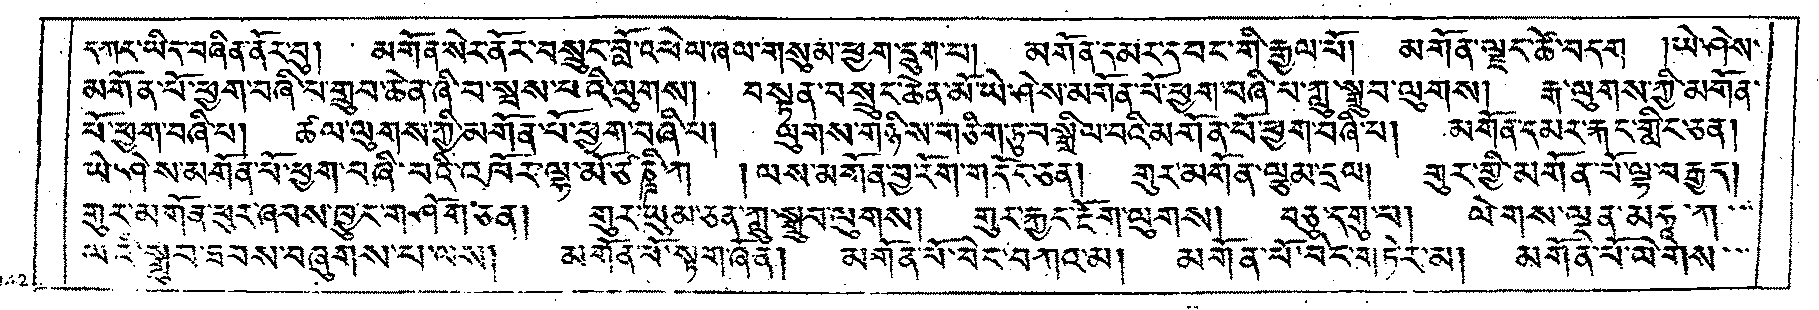དཀར་ཡིད་བཞིན་ནོར་བུ། མགོན་སེར་ནོར་བསྲུང་བློ་འཕེལ་ཞལ་གསུམ་ཕྱག་དྲུག་པ། མགོན་དམར་དབང་གི་རྒྱལ་པོ། མགོན་ལྗང་ཚེ་བདག །ཡེ་ཤེས་
མགོན་པོ་ཕྱག་བཞི་པ་གྲུབ་ཆེན་ཞི་བ་སྦས་པའི་ལུགས། བསྟན་བསྲུང་ཆེན་མོ་ཡེ་ཤེས་མགོན་པོ་ཕྱག་བཞི་པ་ཀླུ་སྒྲུབ་ལུགས། རྒ་ལུགས་ཀྱི་མགོན་
པོ་ཕྱག་བཞི་པ། ཚལ་ལུགས་ཀྱི་མགོན་པོ་ཕྱག་བཞི་པ། ལུགས་གཉིས་གཅིག་ཏུ་བསྒྲིལ་བའི་མགོན་པོ་ཕྱག་བཞི་པ། མགོན་དམར་རྐང་གླིང་ཅན།
ཡེ་ཤེས་མགོན་པོ་ཕྱག་བཞི་པའི་འཁོར་ལྷ་མོ་ཙཎྜི་ཀ །ལས་མགོན་བྱ་རོག་གདོང་ཅན། གུར་མགོན་ལྕམ་དྲལ། གུར་གྱི་མགོན་པོ་ལྷ་བརྒྱད།
གུར་མགོན་ཕུར་ཞབས་ཁྱུང་གཤོག་ཅན། གུར་ཡུམ་ཅན་ཀླུ་སྒྲུབ་ལུགས། གུར་རྐྱང་རྔོག་ལུགས། བཅུ་དགུ་པ། ལེགས་ལྡན་མཧཱ་ཀ་
ལའི་སྒྲུབ་ཐབས་བཞུགས་པ་ལས། མགོན་པོ་སྟག་ཞོན། མགོན་པོ་བེང་བཀའ་མ། མགོན་པོ་བེང་གཏེར་མ། མགོན་པོ་ལེགས་